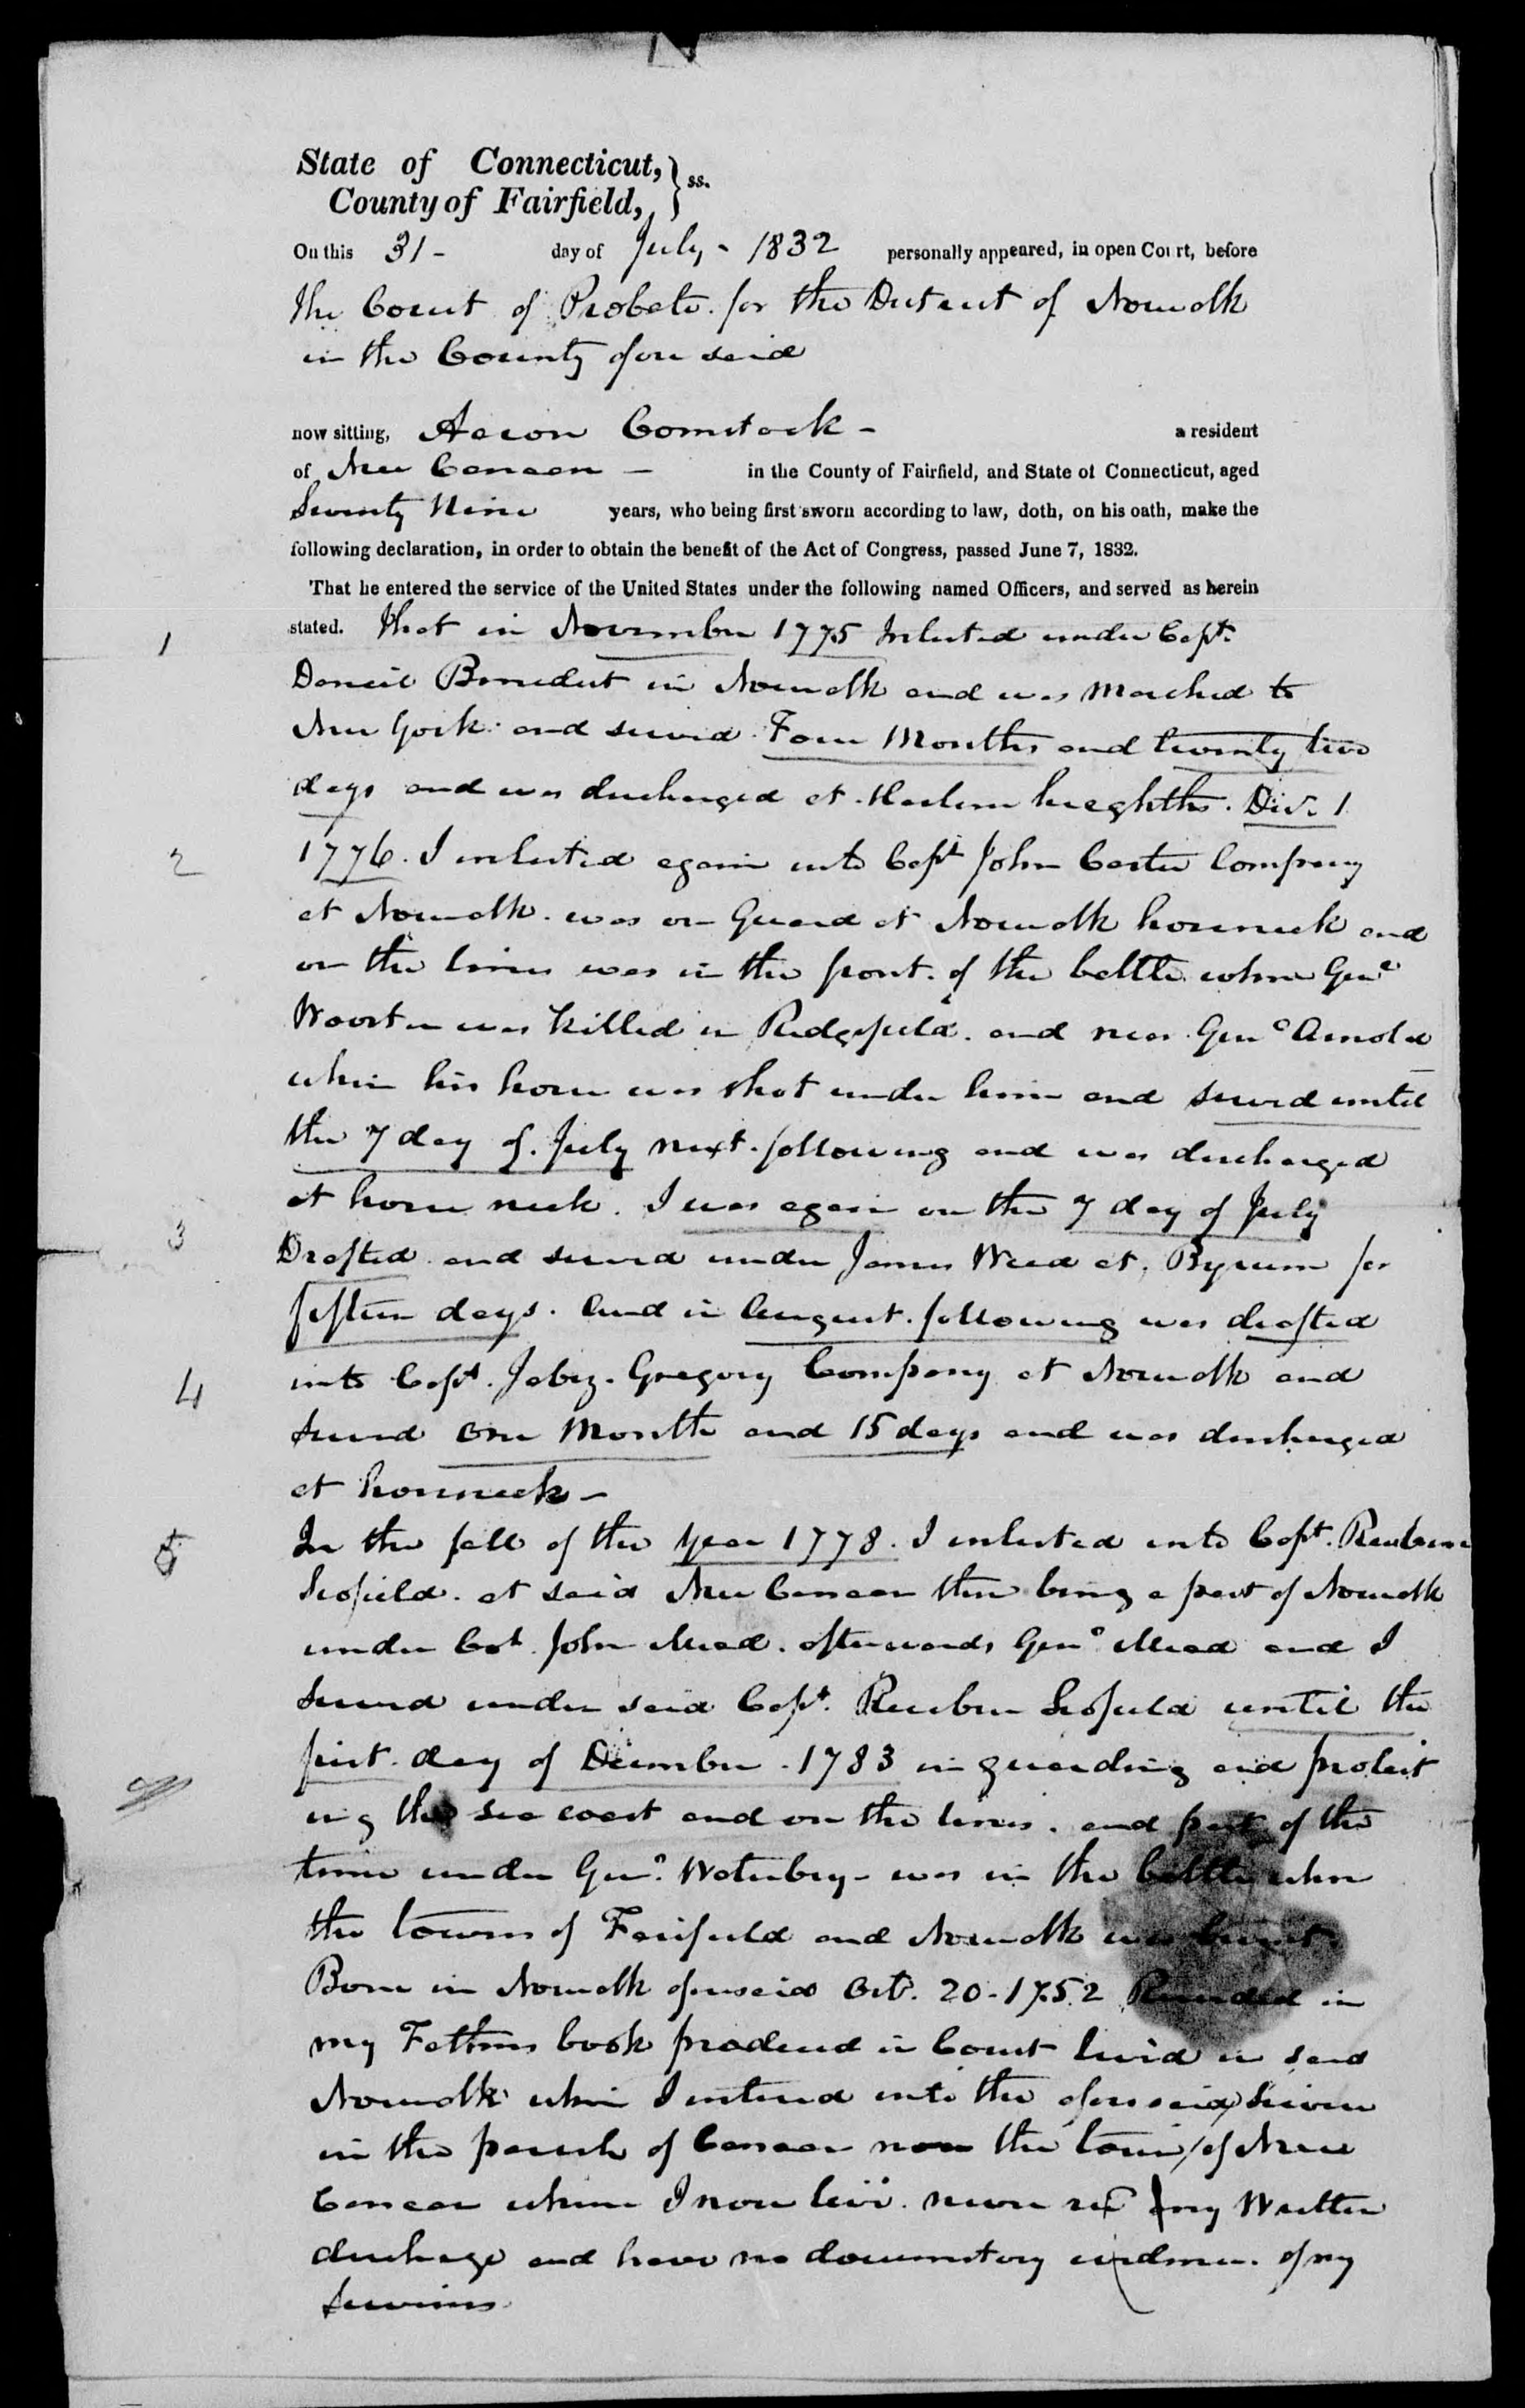State of Connecticut, ss.
County of Fairfield,
On this 31- day of July - 1832 personally appeared, in open Court, before the Court of Probate for the District of Norwalk in the County aforesaid

now sitting, Aaron Comstock - a resident of New Canaan - in the County of Fairfield, and State of Connecticut, aged Seventy Nine years, who being first sworn according to law, doth, on his oath, make the following declaration, in order to obtain the benefit of the Act of Congress, passed June 7, 1832.
That he entered the service of the United States under the following named Officers, and served as herein 
1 stated. That in November 1775 [underlined] Inlisted under Capt. Daniel Benedict in Norwalk and was marched to New York and served Four Months [underlined] and twenty two days [underlined] and was discharged at Harlem heights. Decr. 1 
2 1776 [underlined] I enlisted again into Capt John Coster Company at Norwalk was on Guard at Norwalk horseneck and on the lines was in the front of the battle where Genl. Wooster was killed in Ridgefield, and near Genl Arnold when his horse was shot under him and served until the 7 day of July [underlined] next following and was discharged at horse neck. I was again [underlined] on the 7 day of July 
3  Drafted [underlined] and served under James Weed at Byram for fifteen days [underlined]. And in August following [underlined] was drafted [underlined] into 
4 Capt. Jabez Gregory Company at Norwalk and served one month and 15 days [underlined] and was discharged at horseneck ~
5 In the fall of the year 1778 [underlined] I enlisted into Capt. Reuben Scofield at said New Canaan then being a part of Norwalk under Col. John Mead, afterwards Genl Mead and I served under said Capt. Reuben Scofield until the first day of December 1783 [underlined] in guarding and protecting the sea coast and on the lines, and part of this time under Genl Waterbury - was in the battle when the town of Fairfield and Norwalk were burnt
Born in Norwalk aforesaid Octr. 20. 1752 Recorded in my Fathers book produced in Court lived in said Norwalk when I entered into the aforesaid service in the parish of Canaan now the town of New Canaan where I now live, never recd any Written discharge and have no documentary evidence of my services.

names: Arnold, Aaron Comstock, James Weed, Daniel Benedict, John Mead, Stuwards, Waterbry, Reuben Scofield, Reuben Scofield, Cook, Mead, Wooster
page: 4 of 43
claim: widow's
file: W. 17,647, Aaron Comstock, Conn.